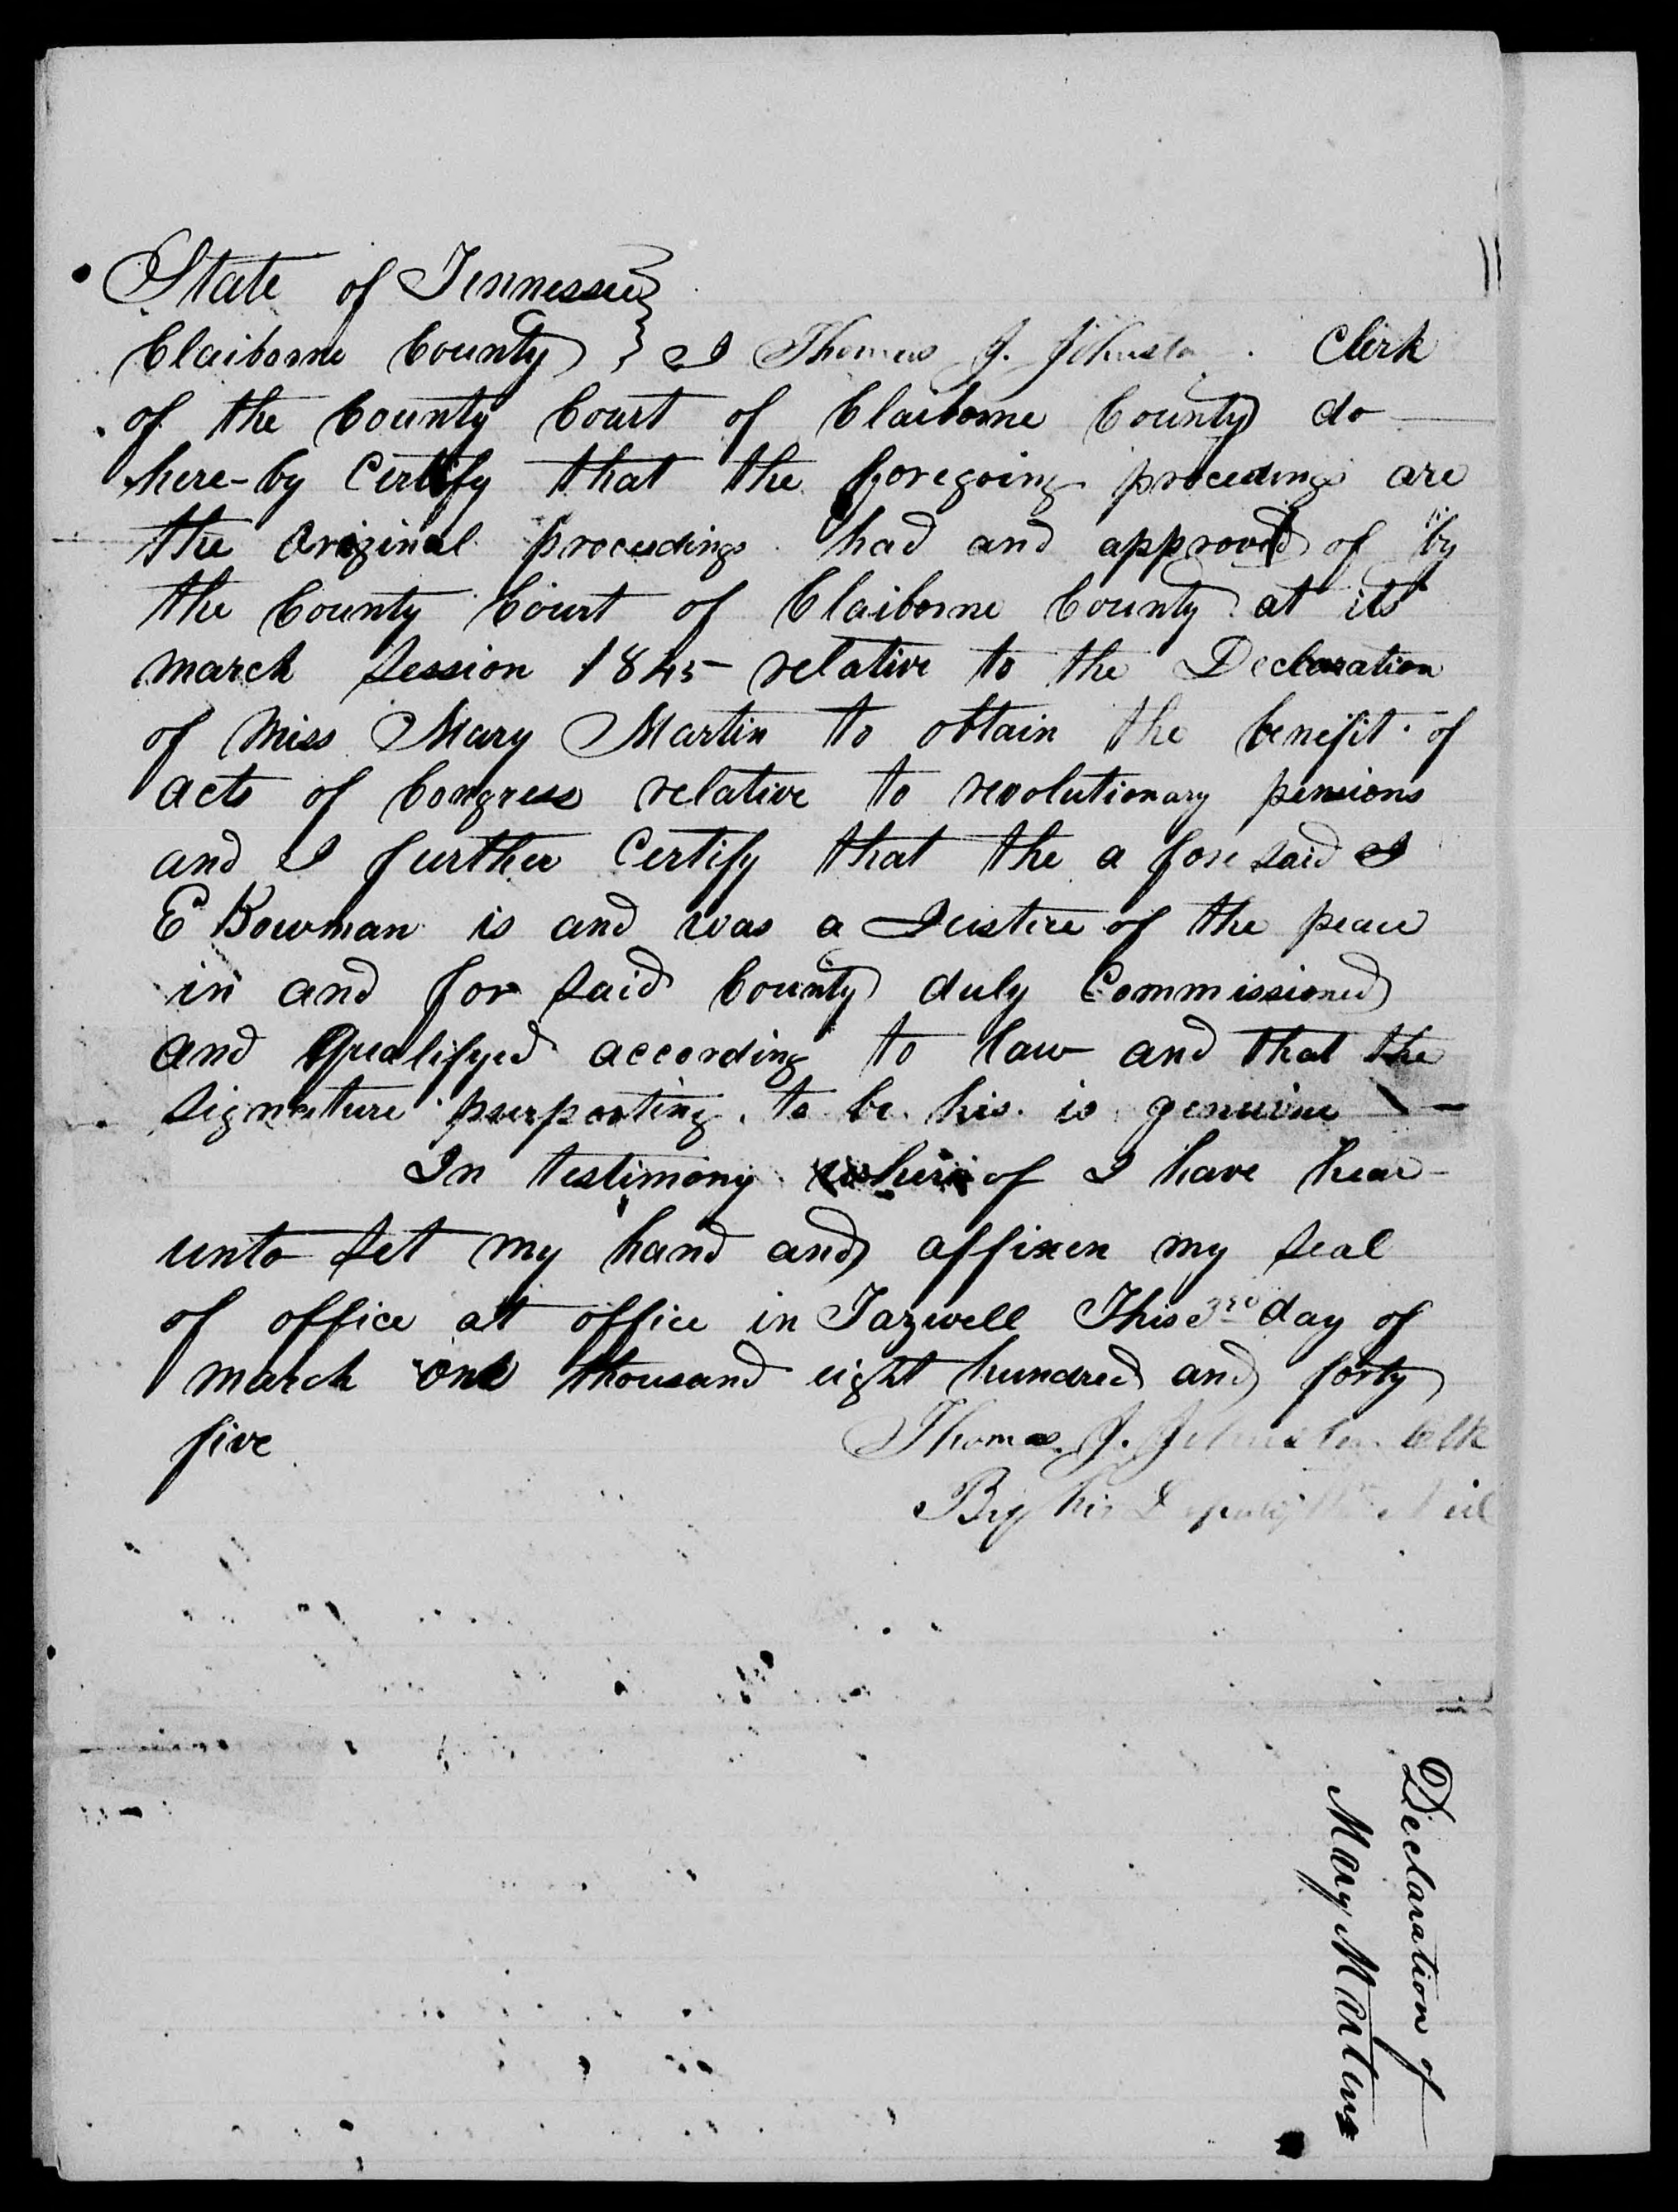State of Tennessee )
Claiborne County   )
I Thomas J. Johnson Clerk 
of the County Court of Claiborne County do here-by certify that the foregoing proceedings are 
the original proceedings had and approved of by 
the County Court of Claiborne County at its march Session 1845 relative to the Declaration of Miss Mary Martin to obtain the benefit of acts of Congress relative to revolutionary pensions 
and I further Certify that the a fore said I 
E Bowman is and was a Justice of the peace in and for said County duly Commissioned 
and qualifyed [qualified] according to law and that the signature purporting to be his is genuine 
In testimony whereof I have hear-
unto set my hand and affixen [affix] my seal
of office at office in Tazwell This 3rd day of march one thousand eight hundred and forty five 
Thomas J. Johnson Clk 
By his Deputy Justice

[written vertically right hand corner] 
Declaration of Mary Martin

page: 7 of 120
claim: widow's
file: W. 1044, for Salathiel Martin, North Carolina